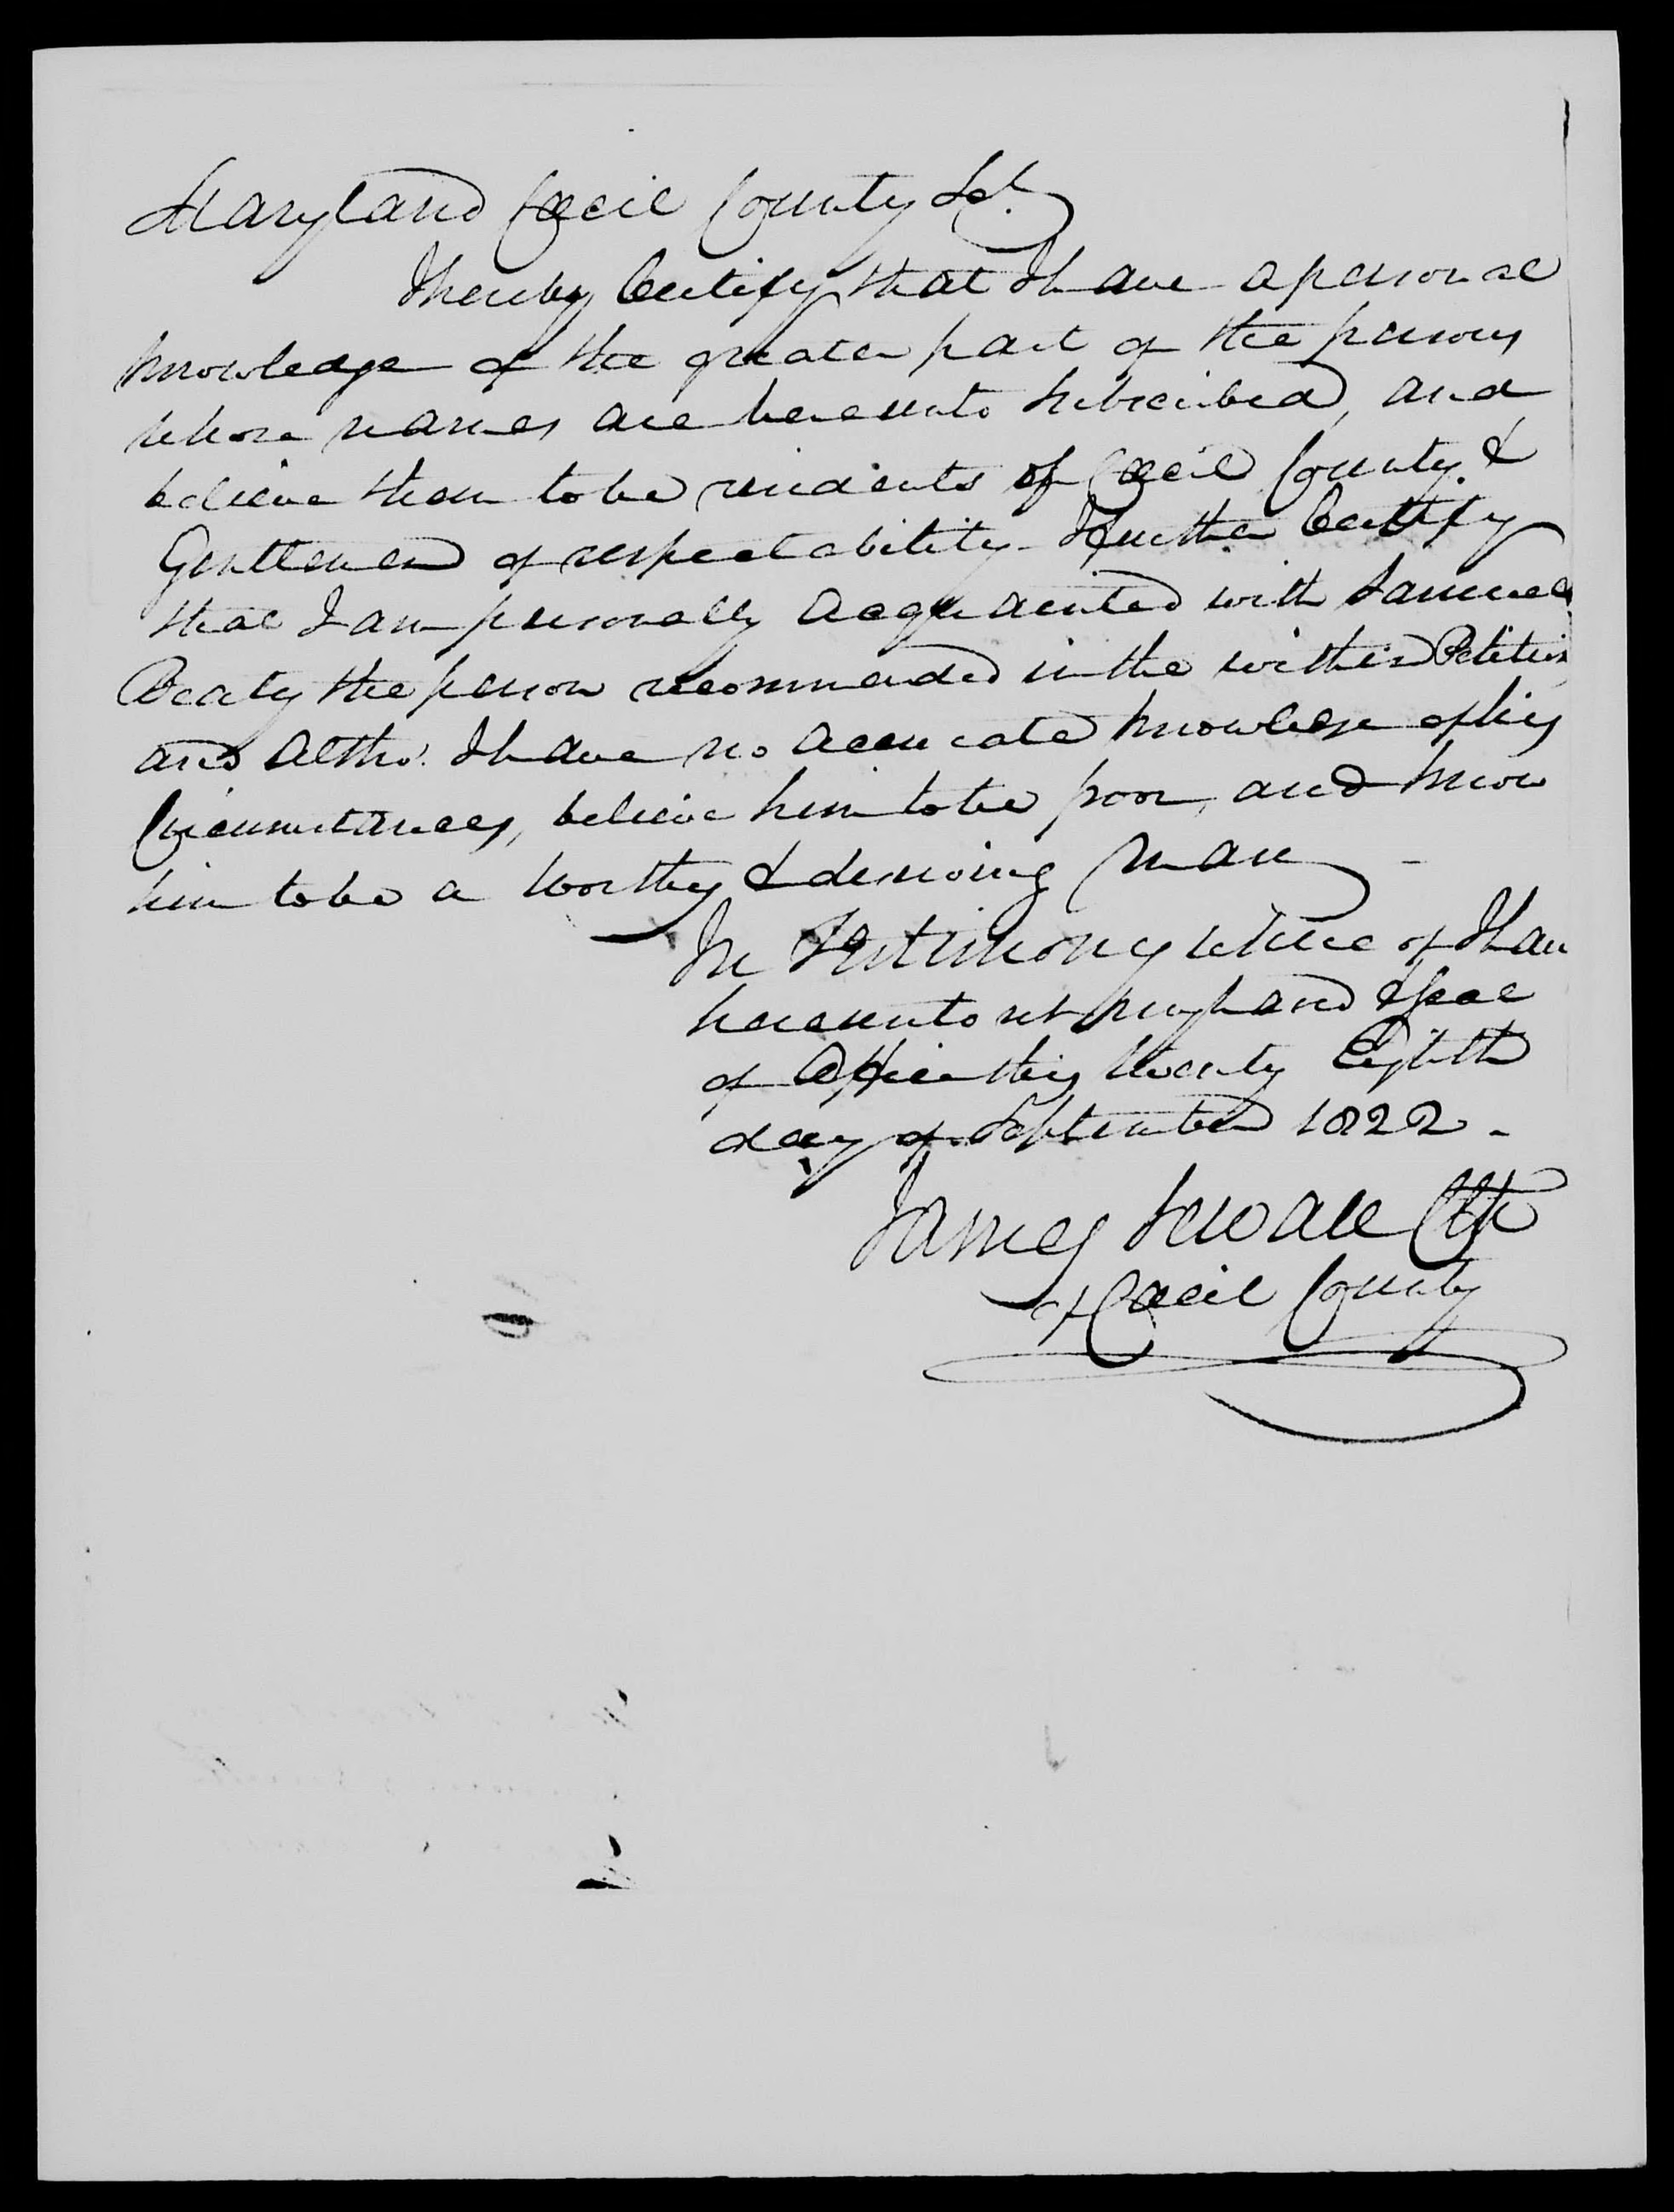Maryland Cecil County Lot
I hereby certify that I have a personal
knowledge of the greater part of the persons
whose names are hereunto subscribed, and
believe them to be resident of Cecil County &
Gentleman of respectability. I further certify 
that I am personally acquainted with Samuel
Beaty the person recommended in the written Petition and although I have no accurate knowledge of his circumstances, believe him to be poor, and know him to be a worthy and deserving man.
In testimony where of I have 
hereunto set my hand & seal
of Office this twenty eighth
day of September 1822
James Sewall Clk
Cecil County
----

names: James Sewall, Samuel Beaty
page: 21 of 31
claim: survivor's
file: S. 34646, Samuel Beaty, Penn.